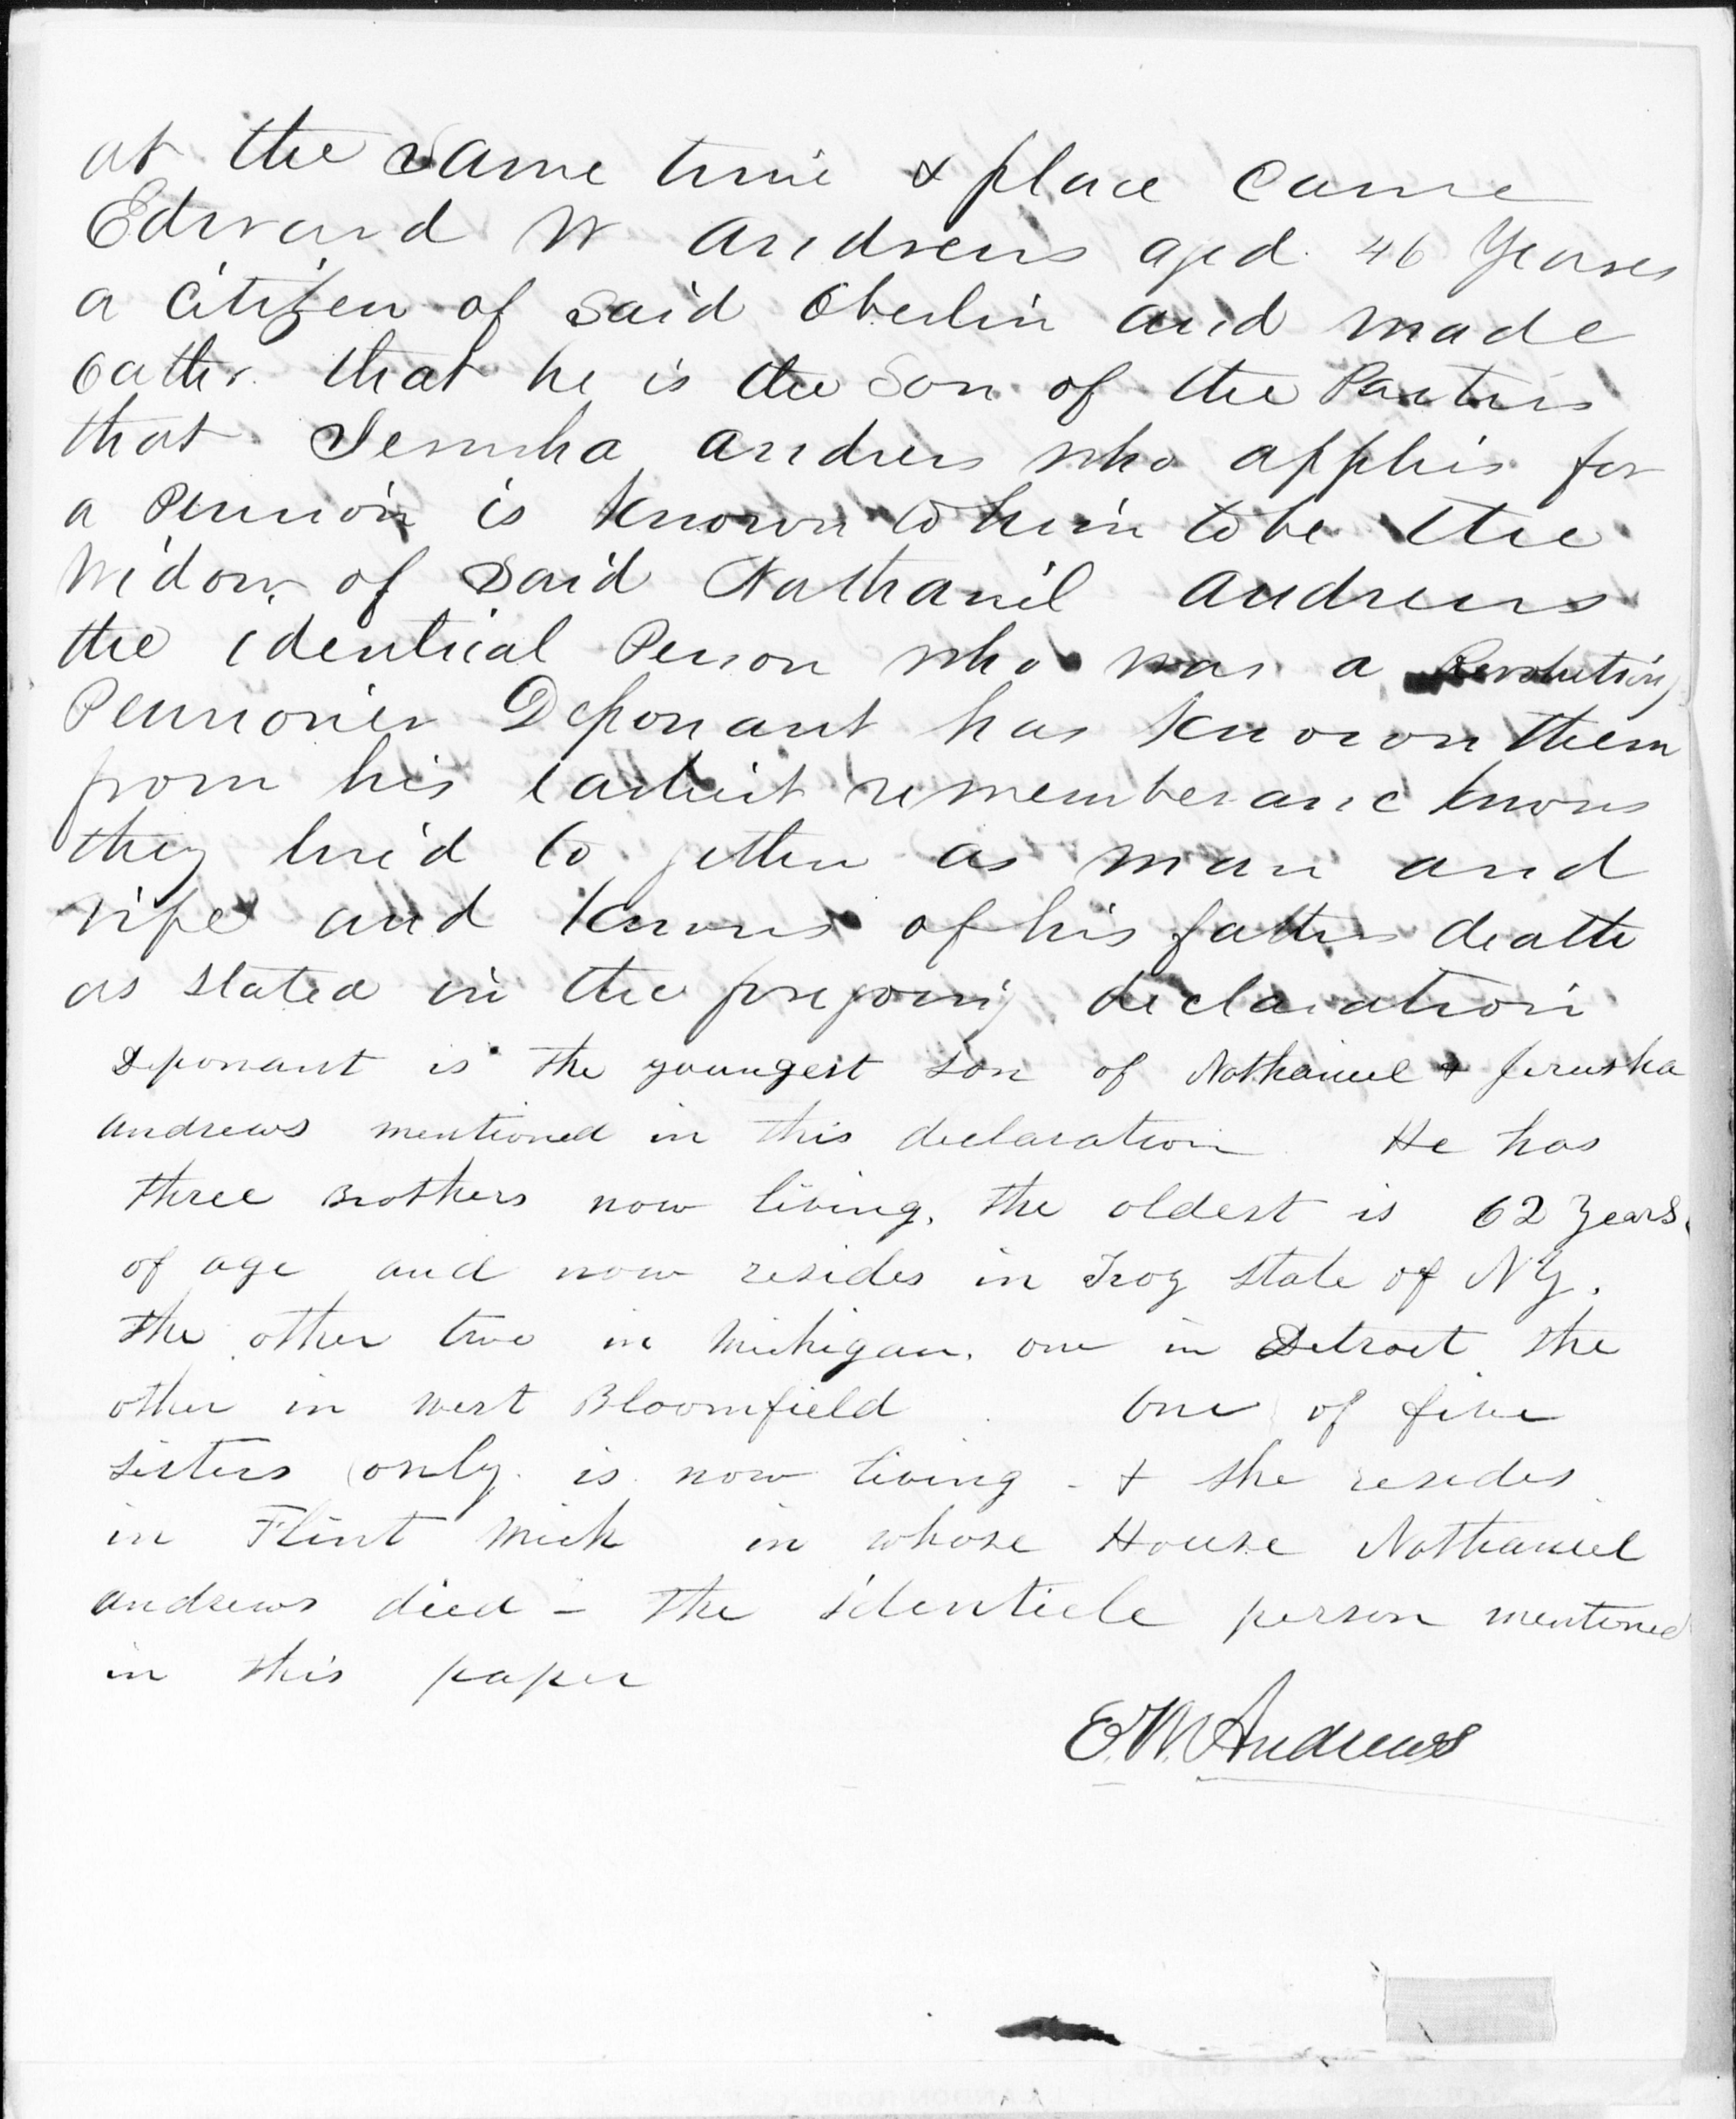at the same time & place came 
Edward W Andrews aged 46 years
a citizen of said Oberlin and made
oath that he is the son of the Parties
that Jerusha Andrews who applies for
a pension is known him to be the
widow of said Nathaniel Andrews
the identical person who was a Revolutionary
Pensioner 
Deponant has known them
from his [illegible] remember and knows
they lived to then as man and 
wife and knows of his fathers death
as stated in the foregoing declaration
Deponant is the youngest son of Nathaniel & Jerusha
Andrews mentioned in this declaration He has
three Brothers now living, the oldest is 62 years
of age and now resides in Troy State of NY.
the other two in Michigan, one in Detroit the
other in West Bloomfield one of five
sisters only is now living & she resides
in Flint Mich in whose house Nathaniel
Andrews died the identicle person mentined
in this paper
E.W. Andrews
&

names: Nathaniel Andrews, Jerusha Andrus, Nathaniel Andrews, Edward W Andreus, Jerusha Andrews, Nathanil Andreus, E W Andrews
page: 36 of 78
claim: widow's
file: W. 4117, Nathaniel Bradley, Conn.